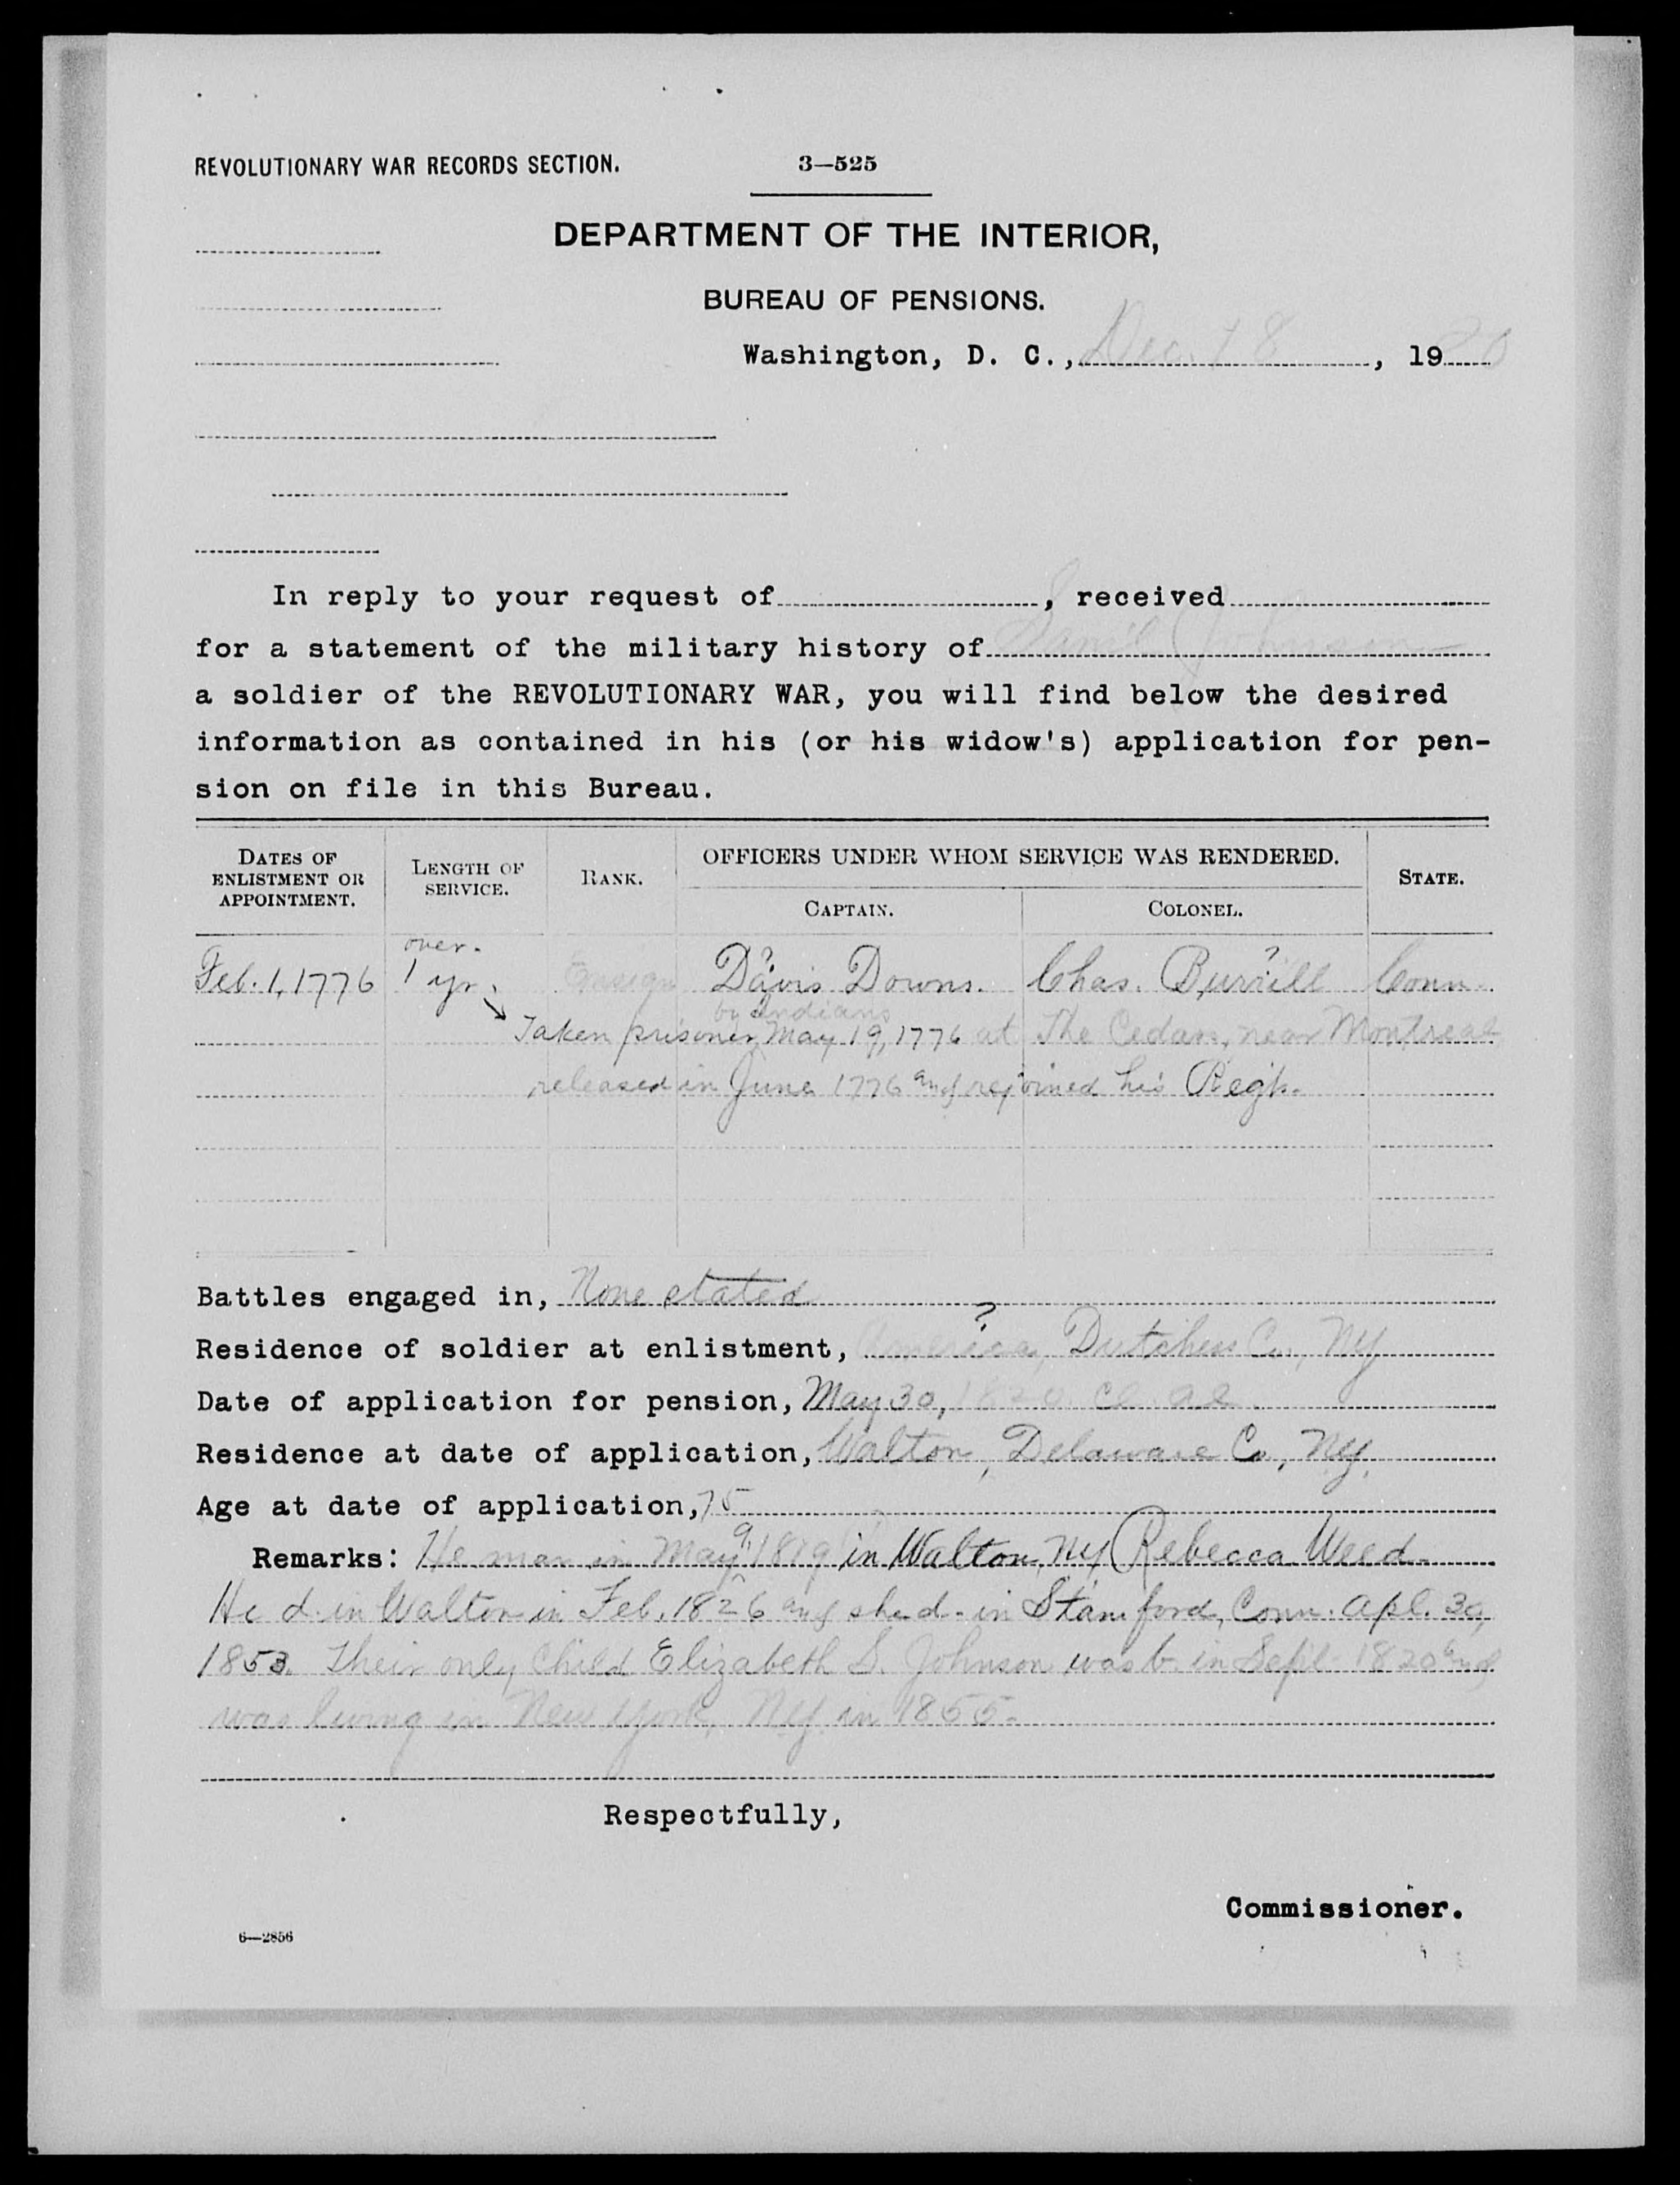REVOLUTIONARY WAR RECORDS SECTION. 3 -- 525 
DEPARTMENT OF THE INTERIOR. 
BUREAU OF PENSIONS. 
Washington, D.C.  Dec 18, 1920 
In reply to your request of -  received  - for a statement of the military history of Sam’l Johnson a soldier of the REVOLUTIONARY WAR, you will find below the desired information as contained in his (or his widow's) application for pension on file in this Bureau. 
DATES OF ENLISTMENT OR APPOINTMENT   Feb. 1, 1776   LENGTH OF SERVICE.  Over 1 year  RANK.   Ensign  OFFICERS UNDER WHOM SERVICE WAS RENDERED. CAPTAIN.   David Downs  COLONEL. Chas Burrell  STATE. Conn.  
Taken prisoner by Indians  May 19, 1776 at the Cedars, near Montreal,  released in June 1776 and rejoined his Regt.  
Battles engaged in, none stated 
Residence of soldier at enlistment, America?  Dutchess Co. NY 
Date of application for pension, May 30, 1820 cl. al. [claim allowed]  
Residence at date of application, Walton Delaware Co NY 
Age at date of application, 75  
Remarks: He mar [married]  in May 9, 1819 in Walton NY Rebecca Weed.   He died in Walton in Feb. 1826 and she died in Stanford, Conn. Apl 30 1853. Their only child Elizabeth S. Johnson was born in Sept 1820 was living in New York NY. in 1855.   
Respectfully, 
Commissioner.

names: Elizabeth S Johnson; Rebecca Weed; Chas Burrill; Davis Downs; Saml Johnson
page: 43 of 43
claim: rejected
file: R. 5655, for Samuel Johnson, Connecticut